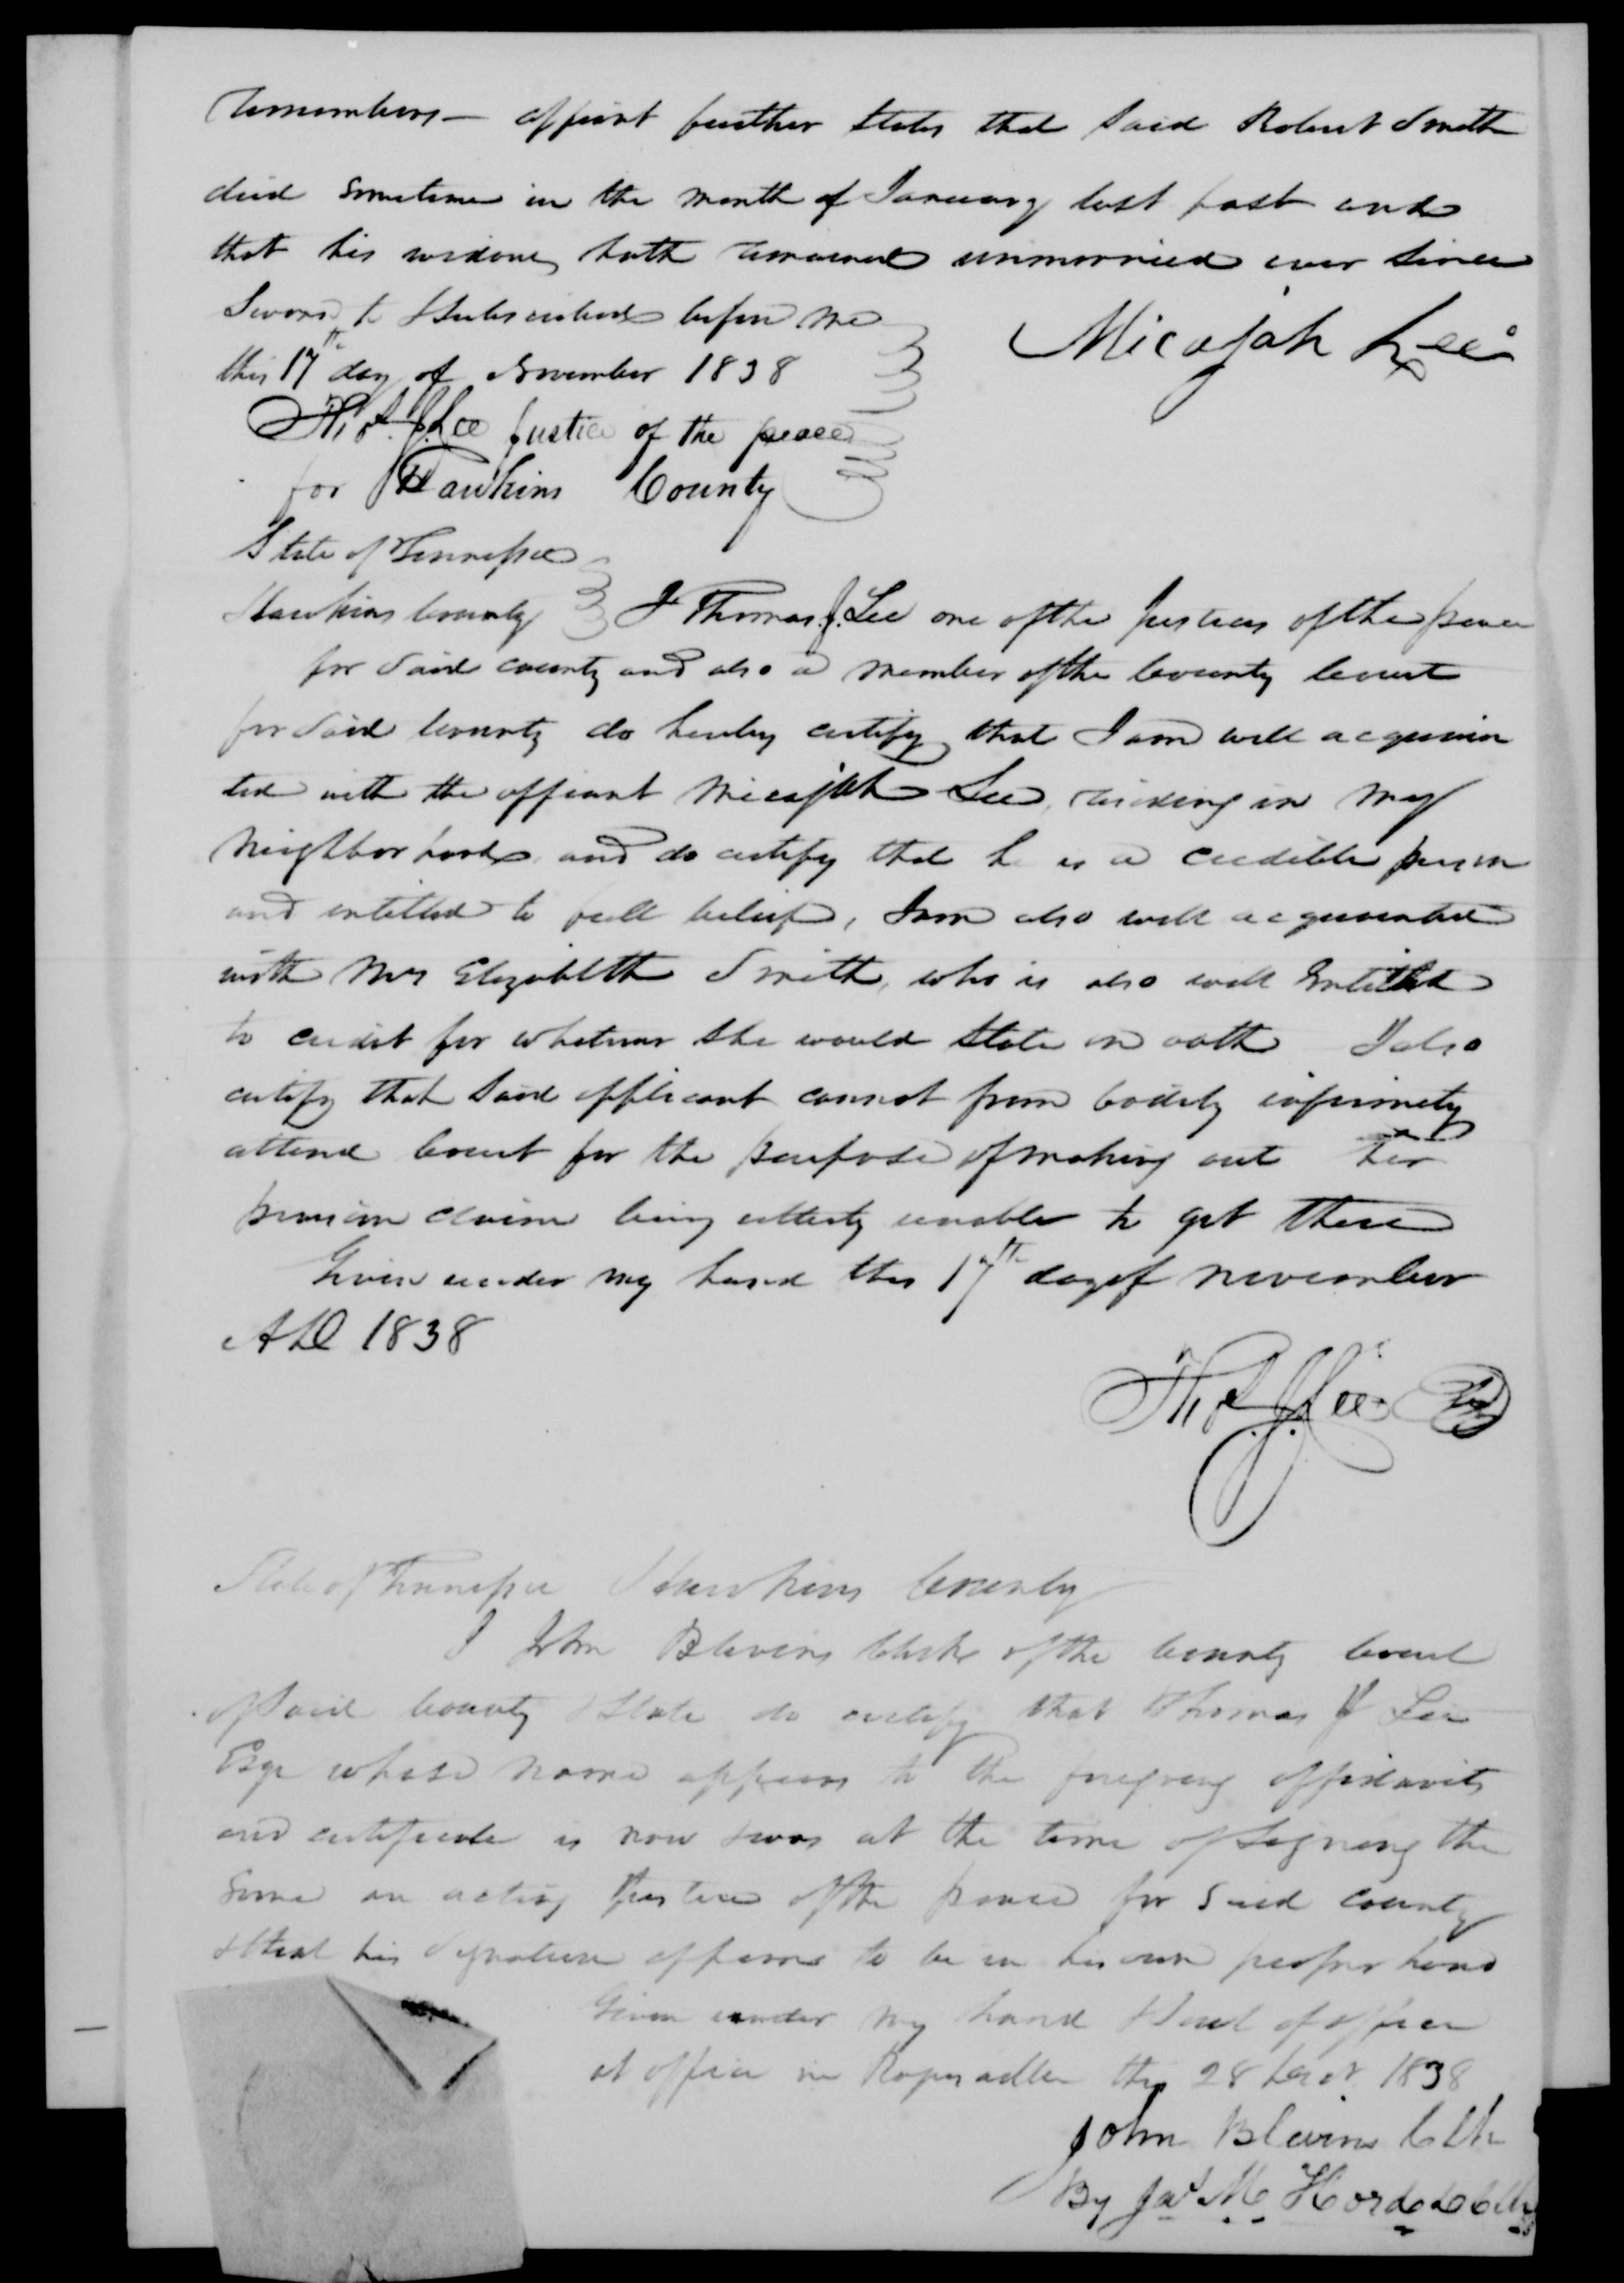remembers affiant further states that said Robert Smith died sometime in the month of January last past and that his widow hath remained unmarried ever since
Micajah Lee
Sworn to & subscribed before me this 17th day of November 1838
Thos J Lee Justice of the peace for Hawkins County }

State of Tennessee 
Hawkins County } I Thomas J Lee one of the justices of the peace for said county and also a member of the county court for said county do hereby certify that I am well acquainted with the affiant Micajah Lee residing in my neighborhood and do certify that he is a credible person and entitled to full belief I am also well acquainted with Mrs Elizabeth Smith who is also well entitled to credit for whatever she would state on oath I also certify that said affiant cannot from bodily infirmity attend court for the purpose of making out her pension claim being utterly unable to get there
Given under my hand this 17th day of November  AD 1838
Thos J Lee

State of Tennessee Hawkins County
I John Blevins clerk of the county court of said county & state do certify that Thomas J Lee Esqr whose name appears to the foregoing affidavits and certificate is now & was at the time of signing the same an acting justice of the peace for said county & that his signature oappears to be in his own perpurted Given under my hand & seal of office at office in Roperadler this 28 Novr 1838
John Blevins clk
By Jas M Hord D clk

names: Thomas J Lee; Jas M Hord; Micajah Lee; Micajah Lee; Thos J Lee; Thomas J Lee; John Blevins; Thos J Lee; Robert Smith; John Blevins; Elizabeth Smith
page: 14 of 79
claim: widow's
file: W. 1504, for Robert Smith, North Carolina